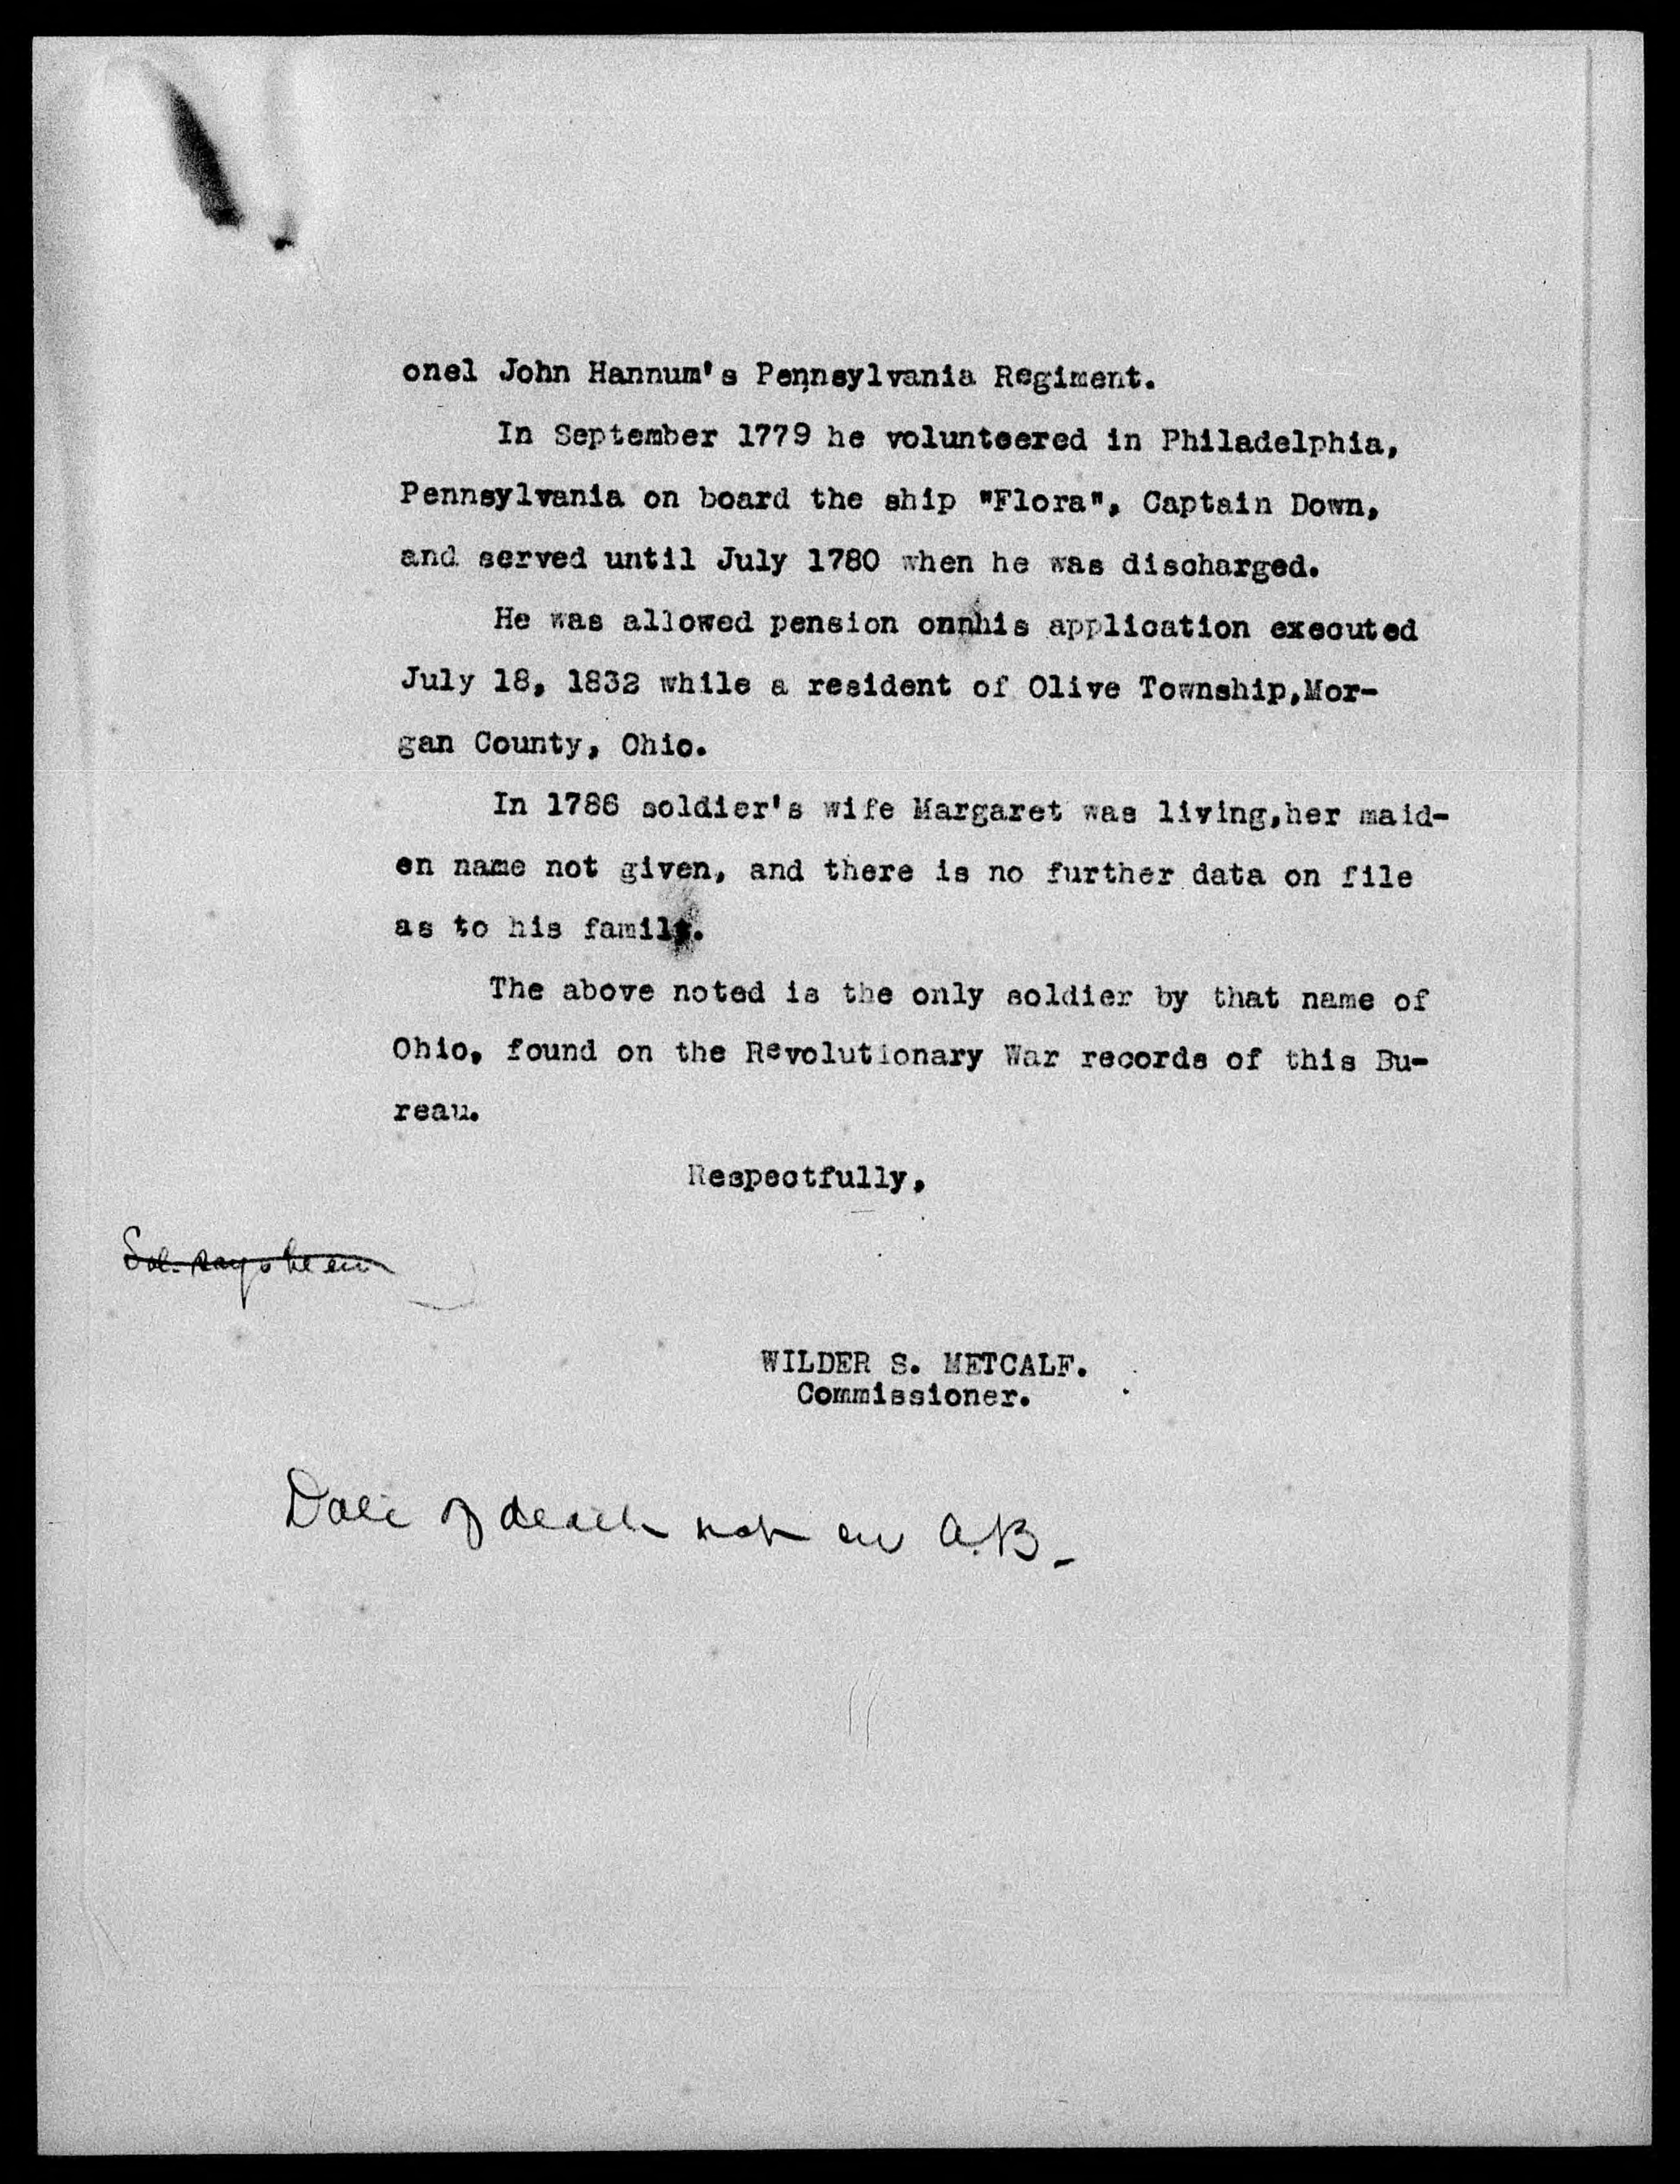onel John Hannum's Pennnsylvania Regiment.
in September 1779 he volunteered in Philadelphia, Pennsylvania on board the ship "Flora", Captain Down, and served until July 1780 when he was discharged. he was allowed pension on his application executed July 18, 1832 while a resident of Olive Township, Morgan county, Ohio. In 1786 soldier's wife Margaret was living her maiden name not given, and there is no further data on file as to his family. The above noted is the only soldier by that name of Ohio, found on the Revolutionary War records of this Bureau.
Respectfully, Wilder s. Metcalf
Commissioner
Date of death not no A.B.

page: 18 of 41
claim: survivor's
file: S. 4585, for William Lyons, Pennsylvania